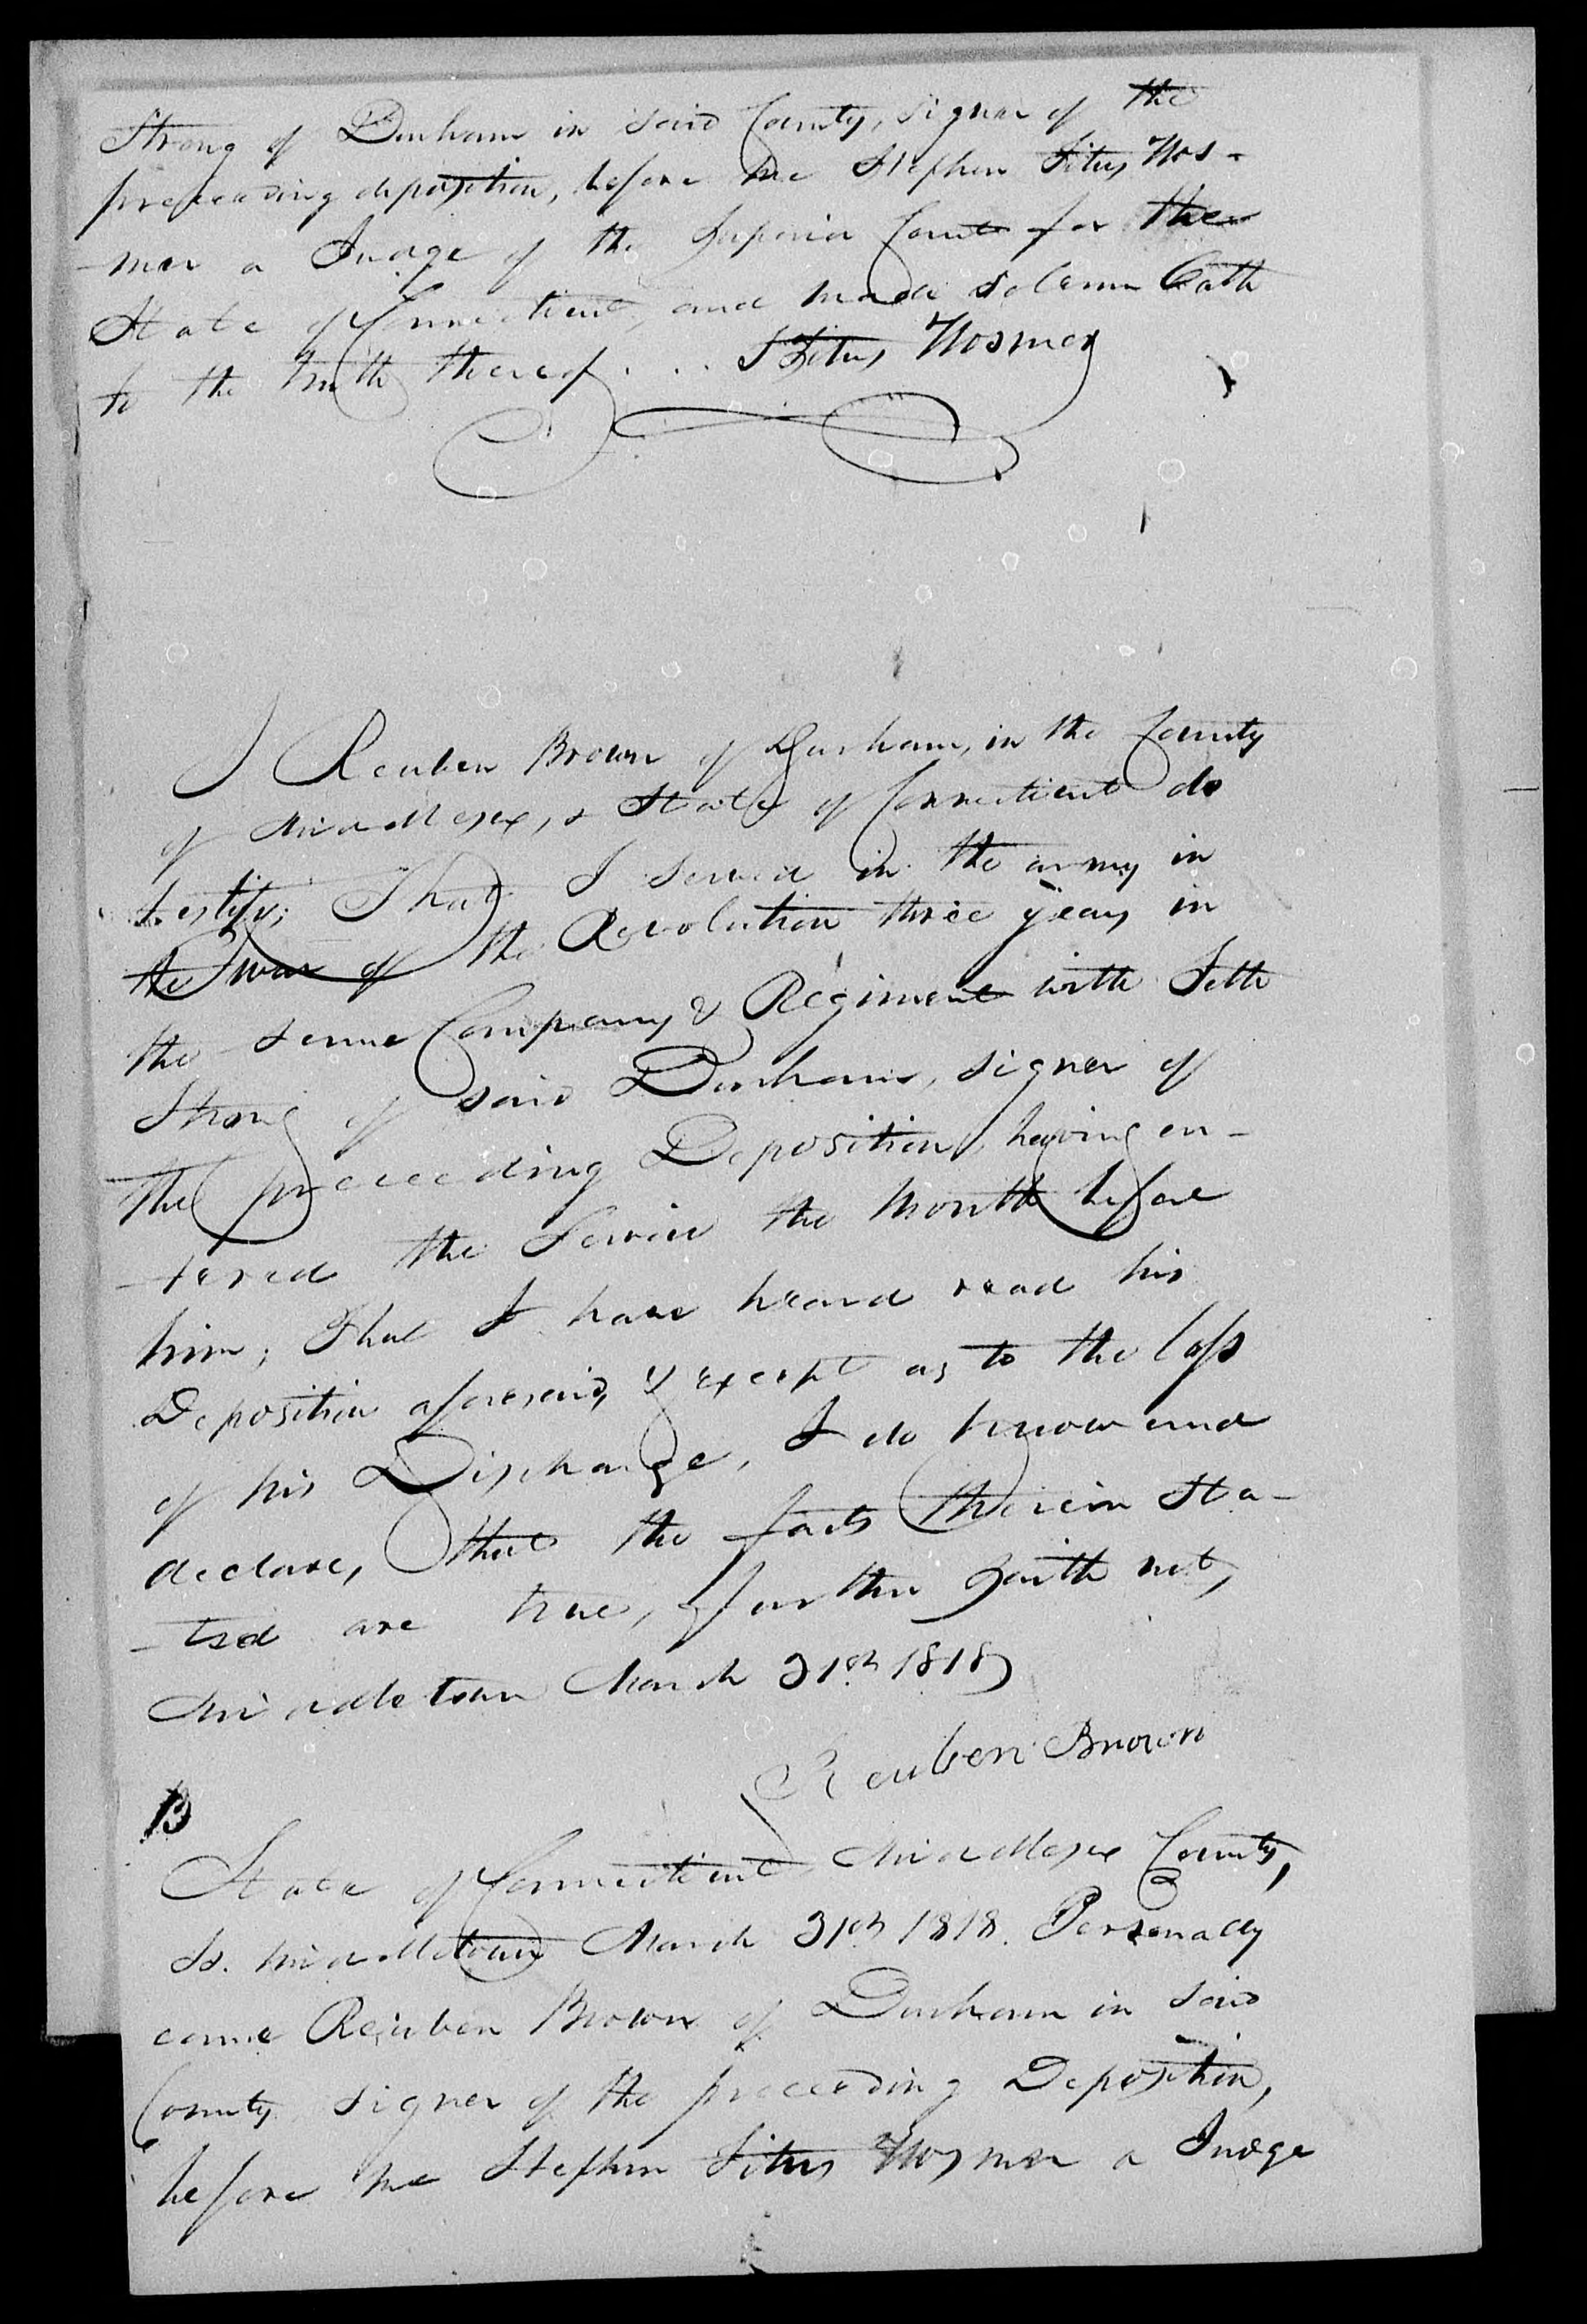Strong of Durham in said County, signer of the preceeding deposition, before me Stephen Titus Hosmer a Judge of the Superior Court for the State of Connecticut, and made solemn Oath to the truth thereof.  
S. Titus Hosmer

I Reuben Brown of Durham, in the County of Middlesex, & State of Connecticut do testify; That I served in the army in the War of the Revolution three years in the same Company & Regiment with Seth Strong of said Durham, signer of the preceeding Deposition having entered the Service the Month before him; That I have heard read his Deposition aforesaid, & except as to the loss of his Discharge, I do know and declare, that the facts therein stated are true, further Saith not,
Middletown March 31st 1818

Reuben Brown

B
State of Connecticut Middlesex County, Sd Middletown March 31st 1818. Personally came Reuben Brown of Durham in said County signer of the preceeding Deposition, before me Stephen Titus Hosmer a Judge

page: 4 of 47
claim: widow's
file: W. 17879, for Seth Strong, Connecticut